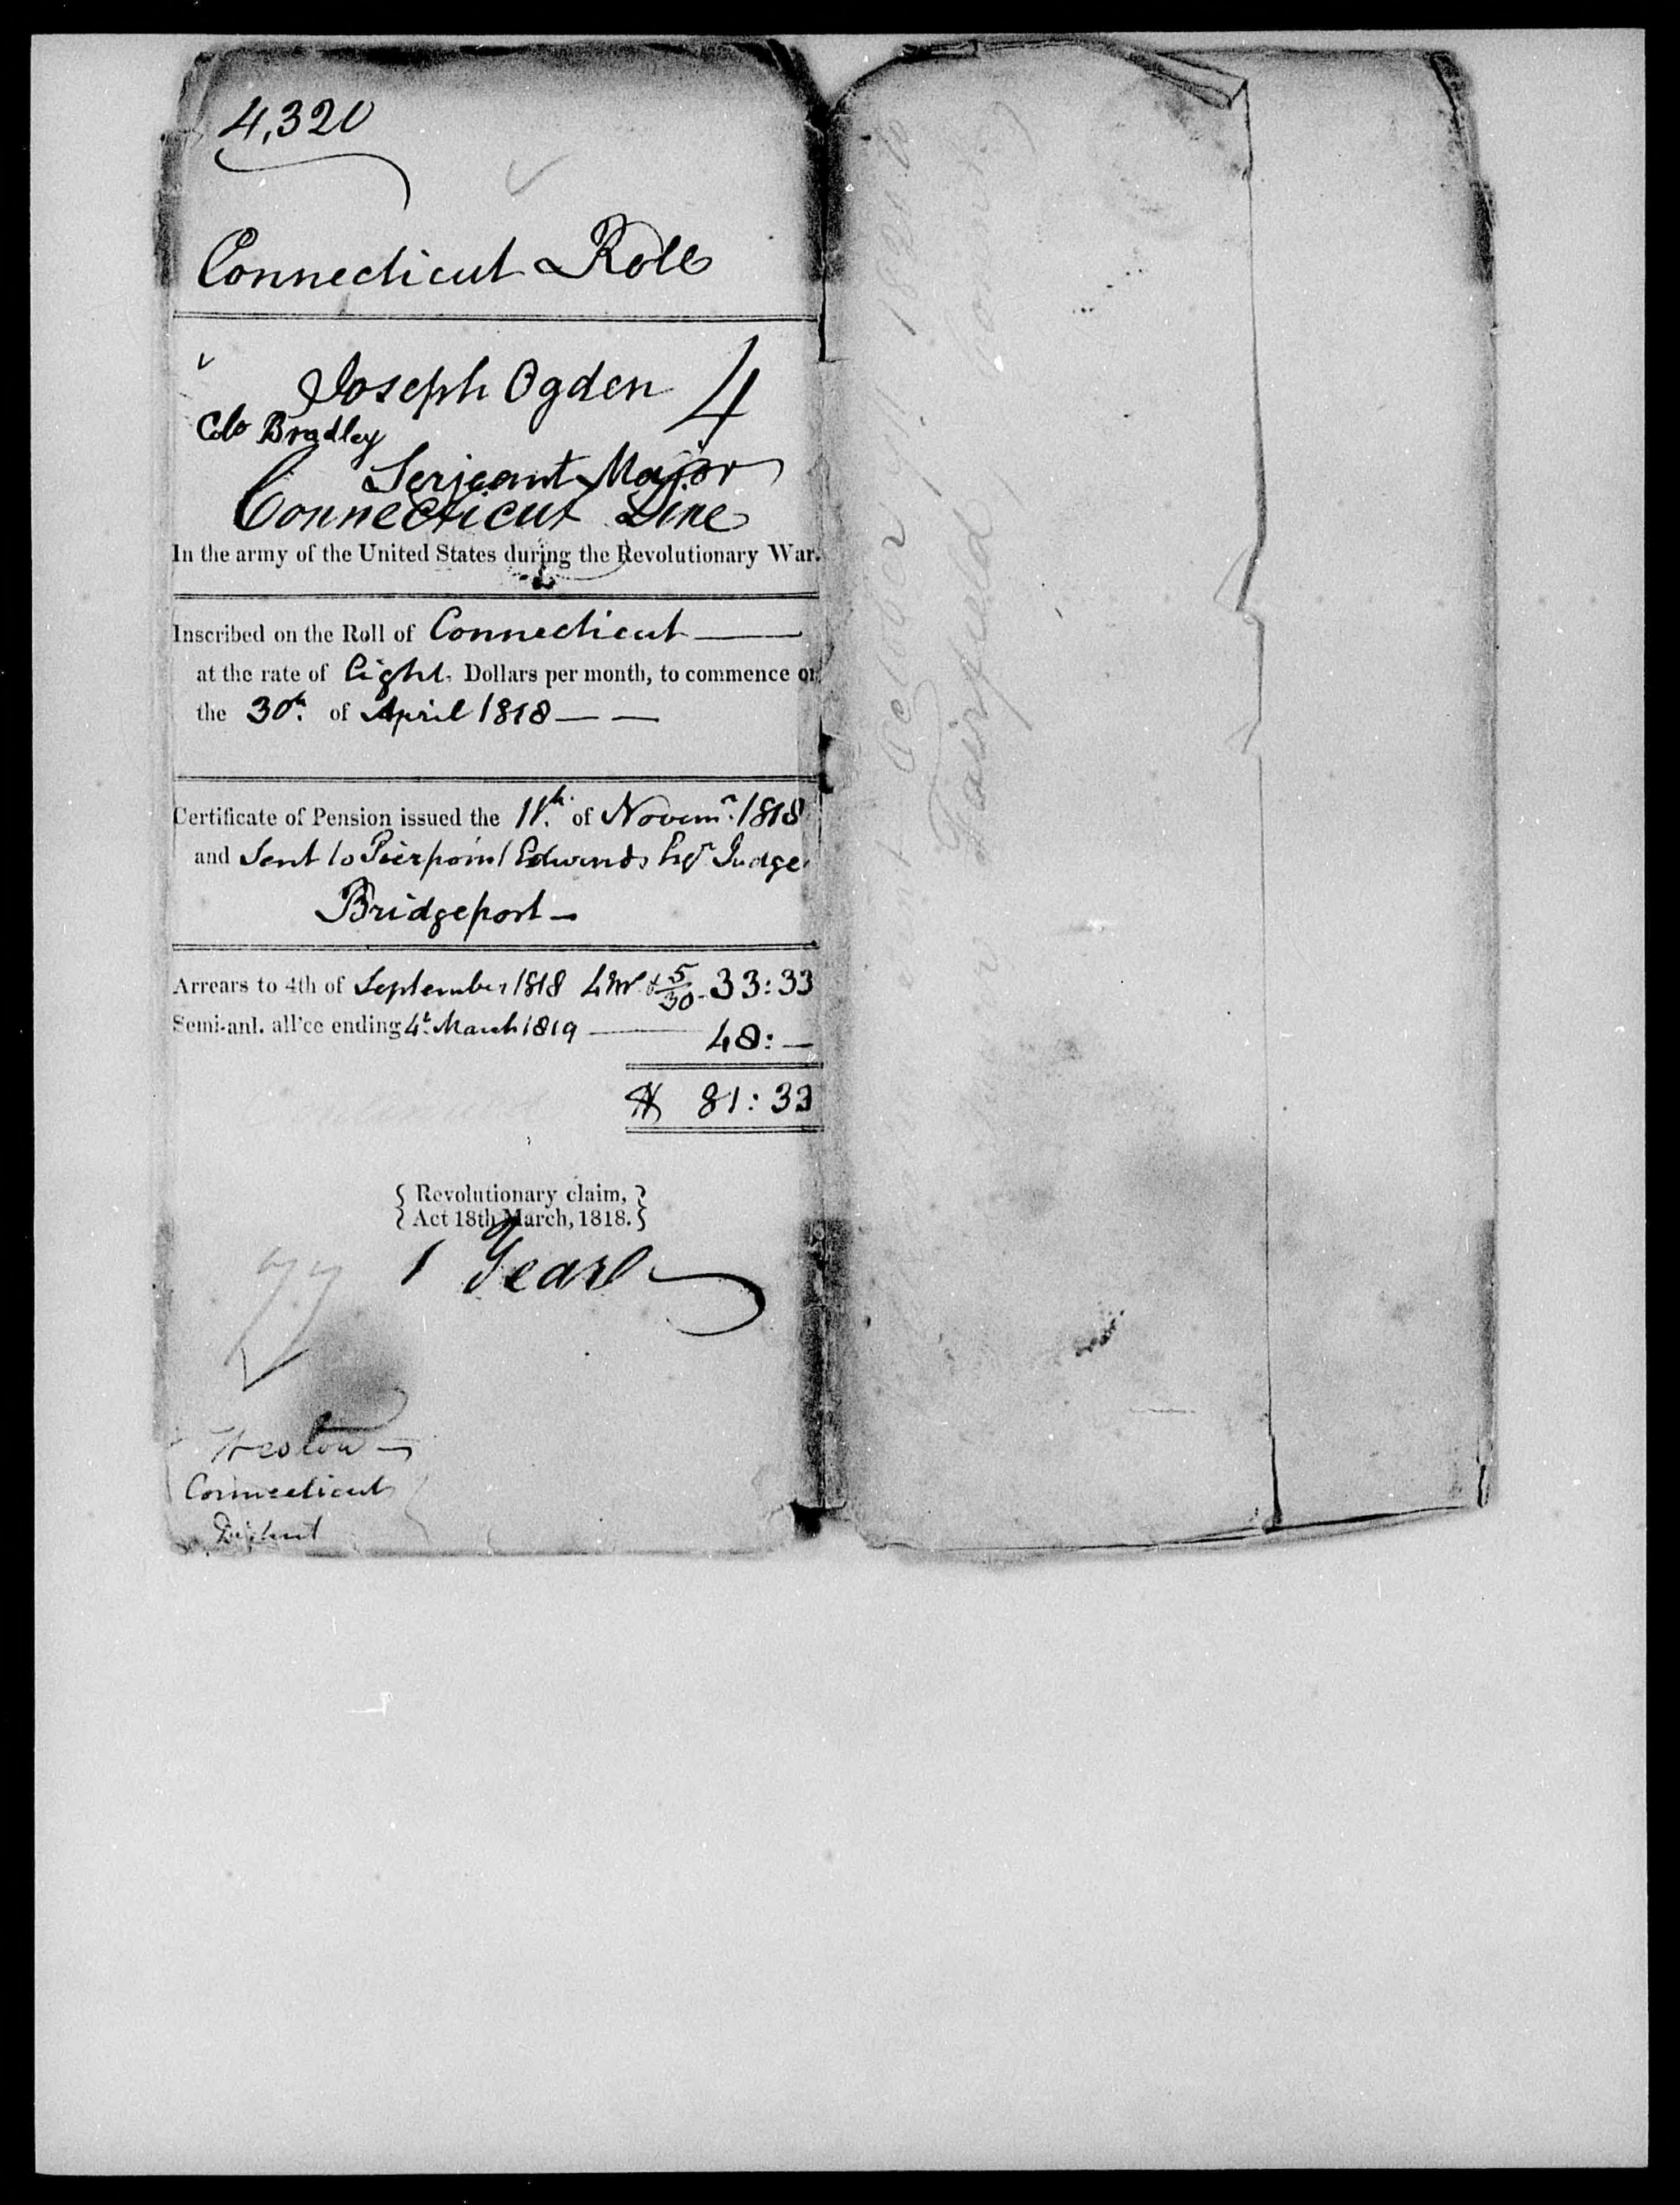4,320
Connecticut Roll
Joseph Ogden 4
Colo Bradley
Sergeant Major   
Connecticut Line
In the army of the United States during the Revolutionary War
Inscribed on the Roll of Connecticut
at the rate of Eight Dollars per month, to commence on 
the 30th of April, 1818.
Certificate of Pension issued the 11th of Novemr 1818 
and Sent to Pierpoint Edwards [illegible] Judge Bridgeport -
Arrears to 4th of September 1818 4 Ms & 5/30 33:33
Semi-Anl. All'ce ending 4th March 1819 - 48:_
$81:33
{Revolutionary claim,}
{Act 18th March, 1818}
1 Year
Weston
Connecticut
District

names: Joseph Ogden; Pierpoint Edwards; [BLANK] Bradley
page: 2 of 15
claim: survivor's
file: S. 38,277, for Joseph Ogden, Connecticut